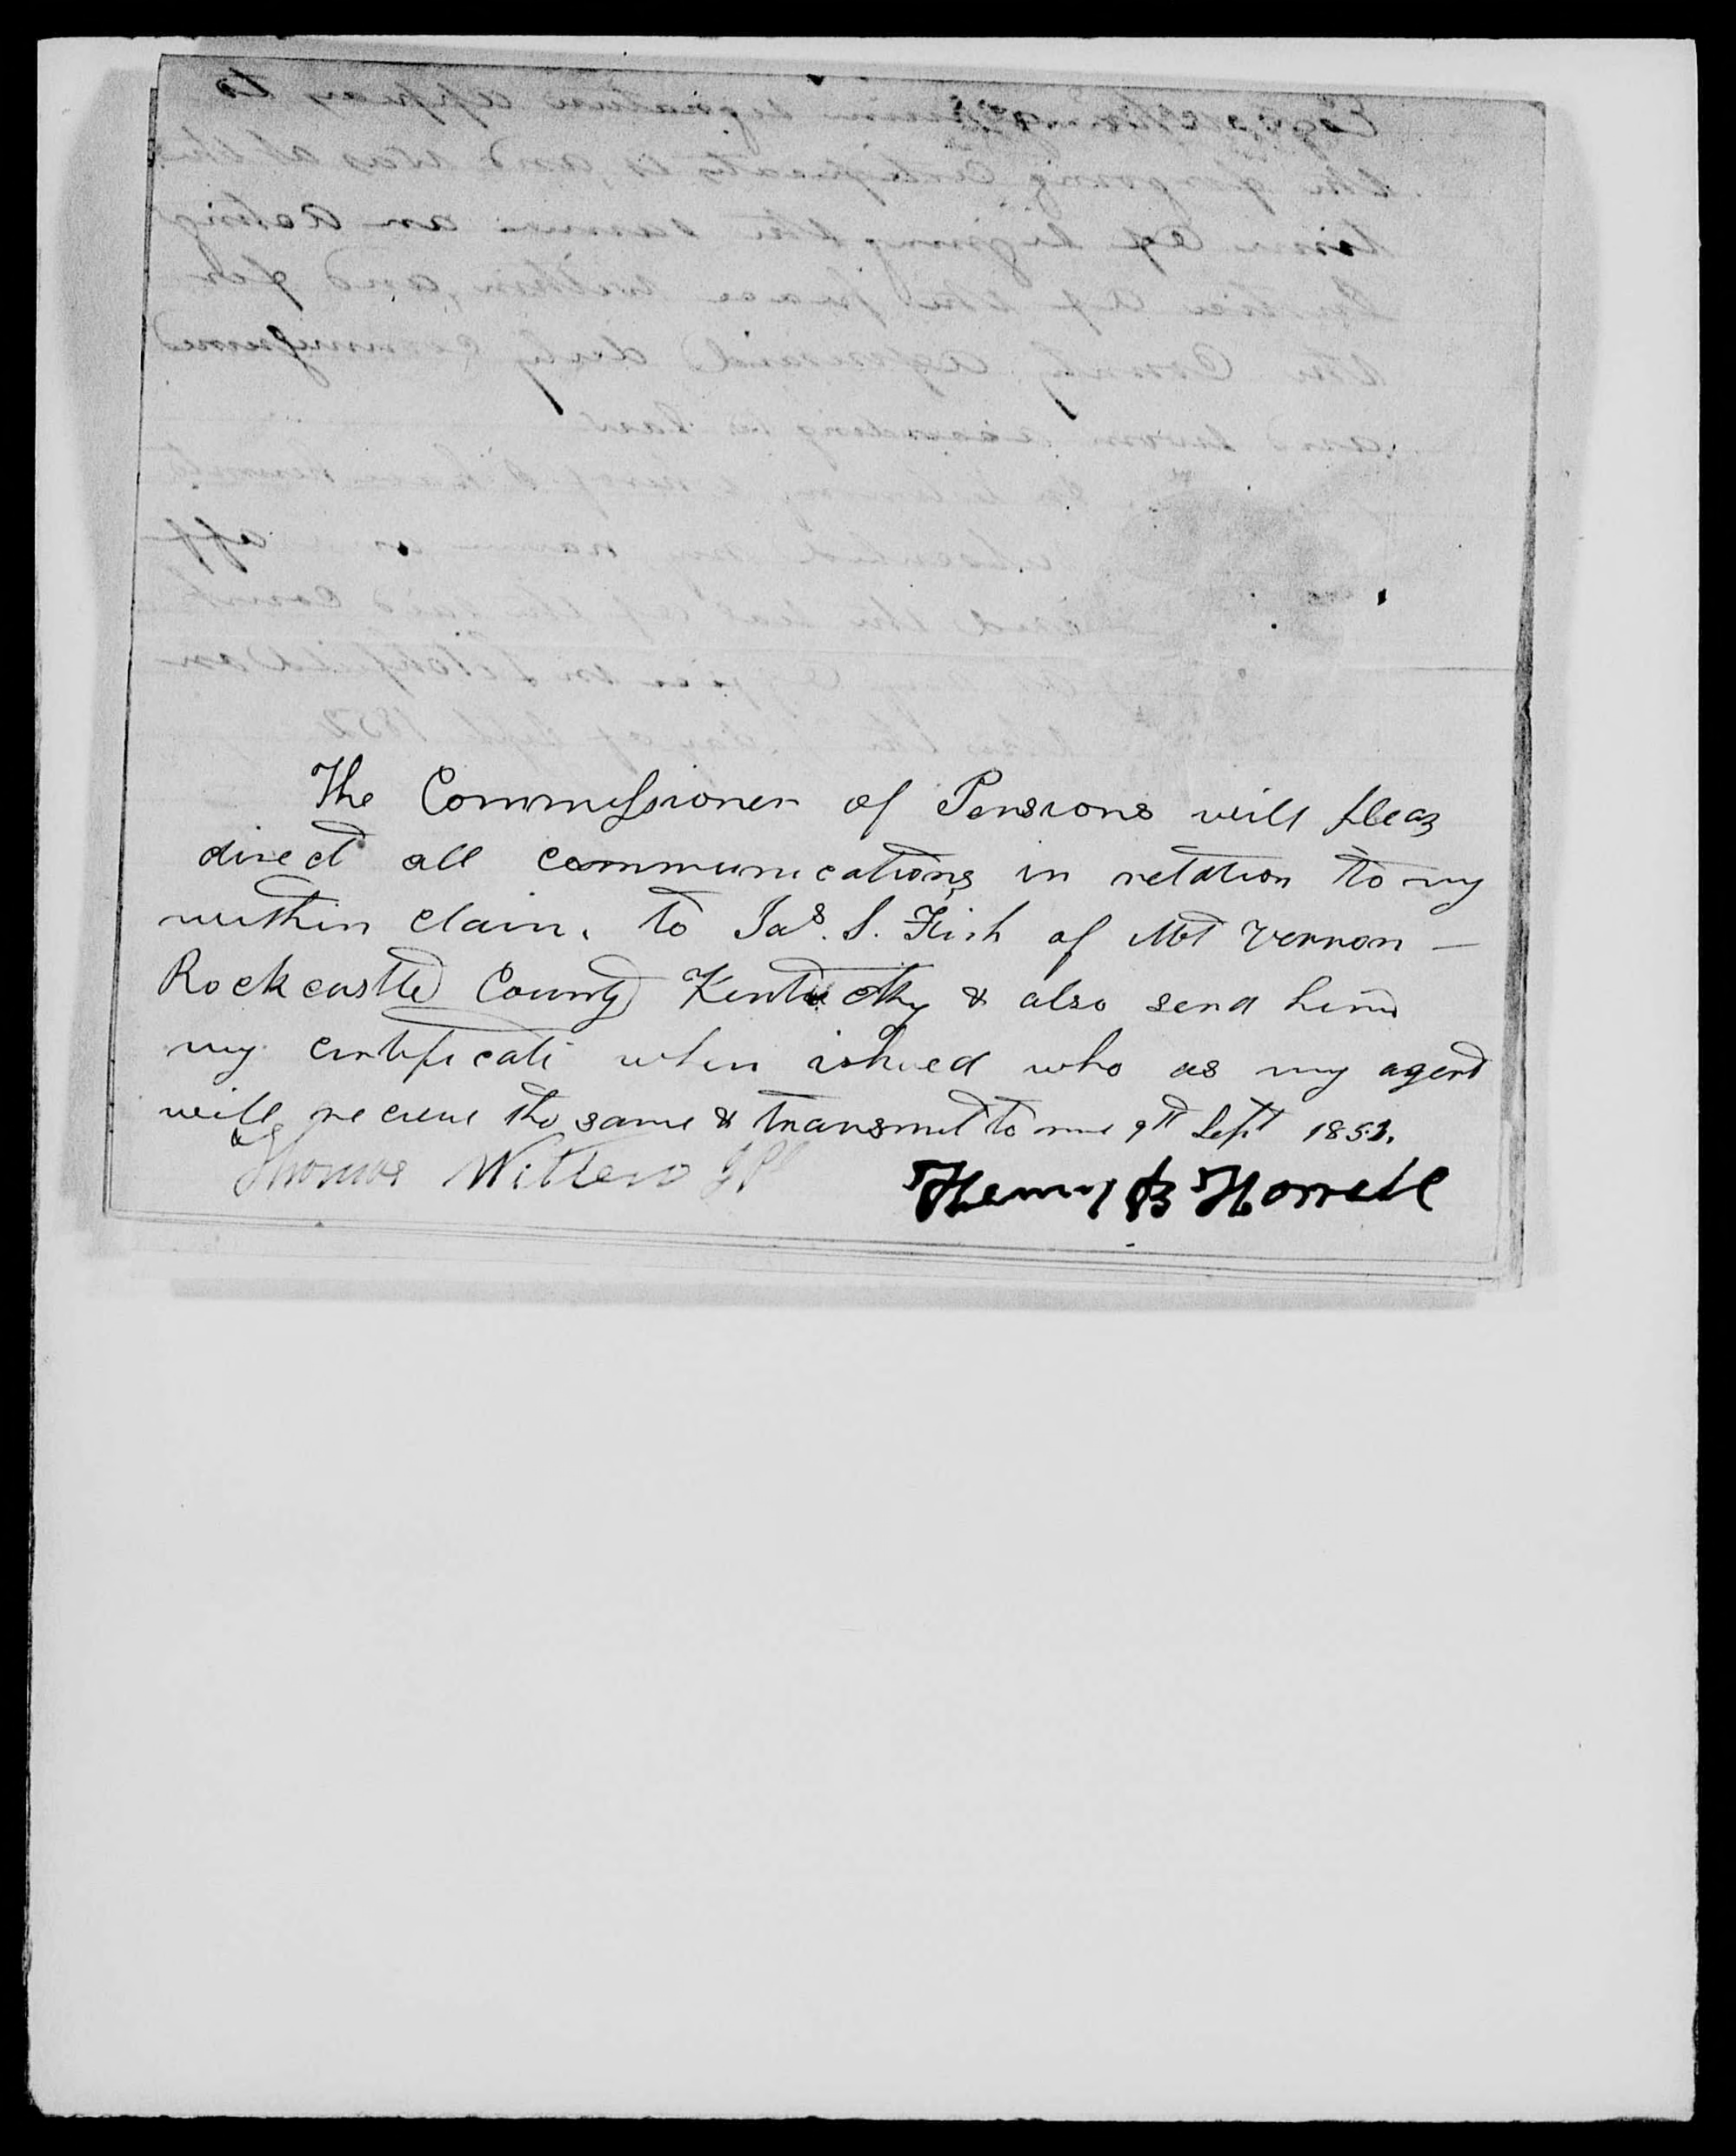[illegible writing at the top of page]
The Commissioner of Pensions will please direct all communications in relation to my within claim to Jas. S. Fish of Mt. Vernon, Rockcastle County, Kentucky & also send him my certificate when issued who as my agent will receive the same & transmit to me. 
9th Sept 1853

Thomas Witten - JP

Henry B Horrell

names: Henry B Horrell, Thomas Witten, Jas S Fish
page: 2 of 15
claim: rejected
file: R. 5234, Henry B Horrell, Md.